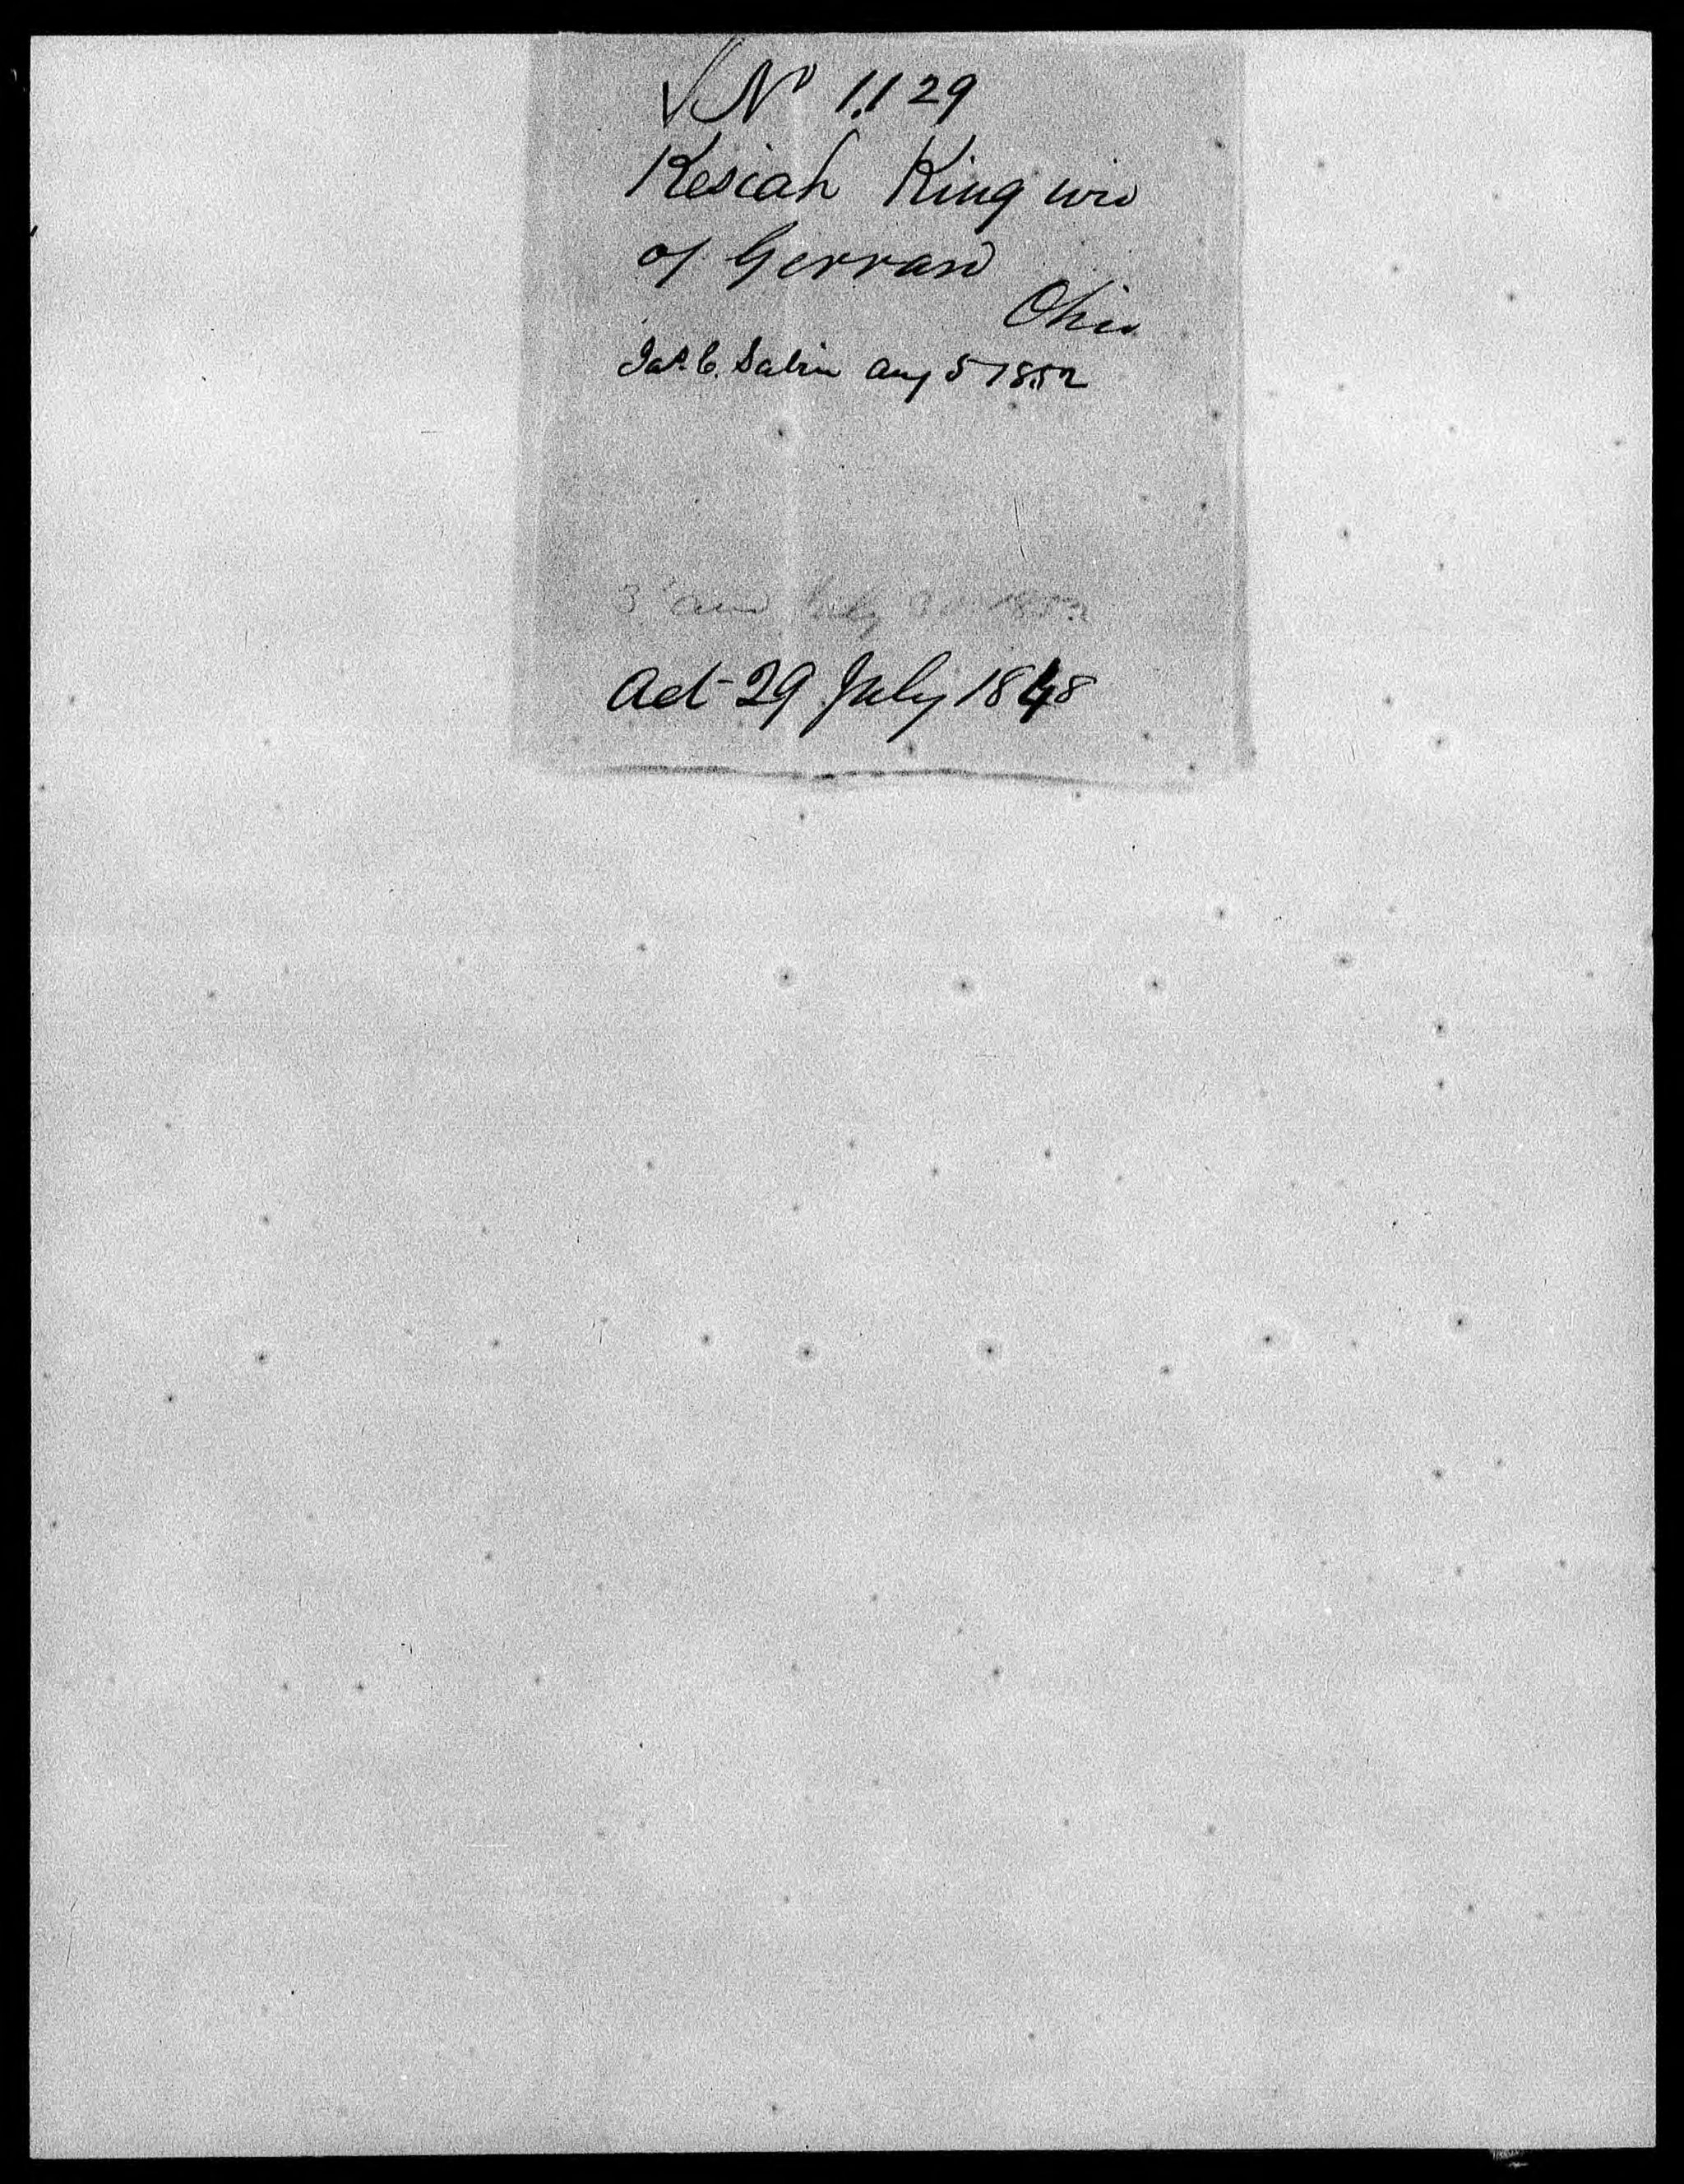No. 1,129
Kescah King wid [widow]
of Gerren Ohio 
Jas. C. Sabin Aug 5 1852
3 Aus July 30 18??
Act- 29 July 1848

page: 21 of 45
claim: widow's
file: W. 7984, for Gerrard King, Virginia